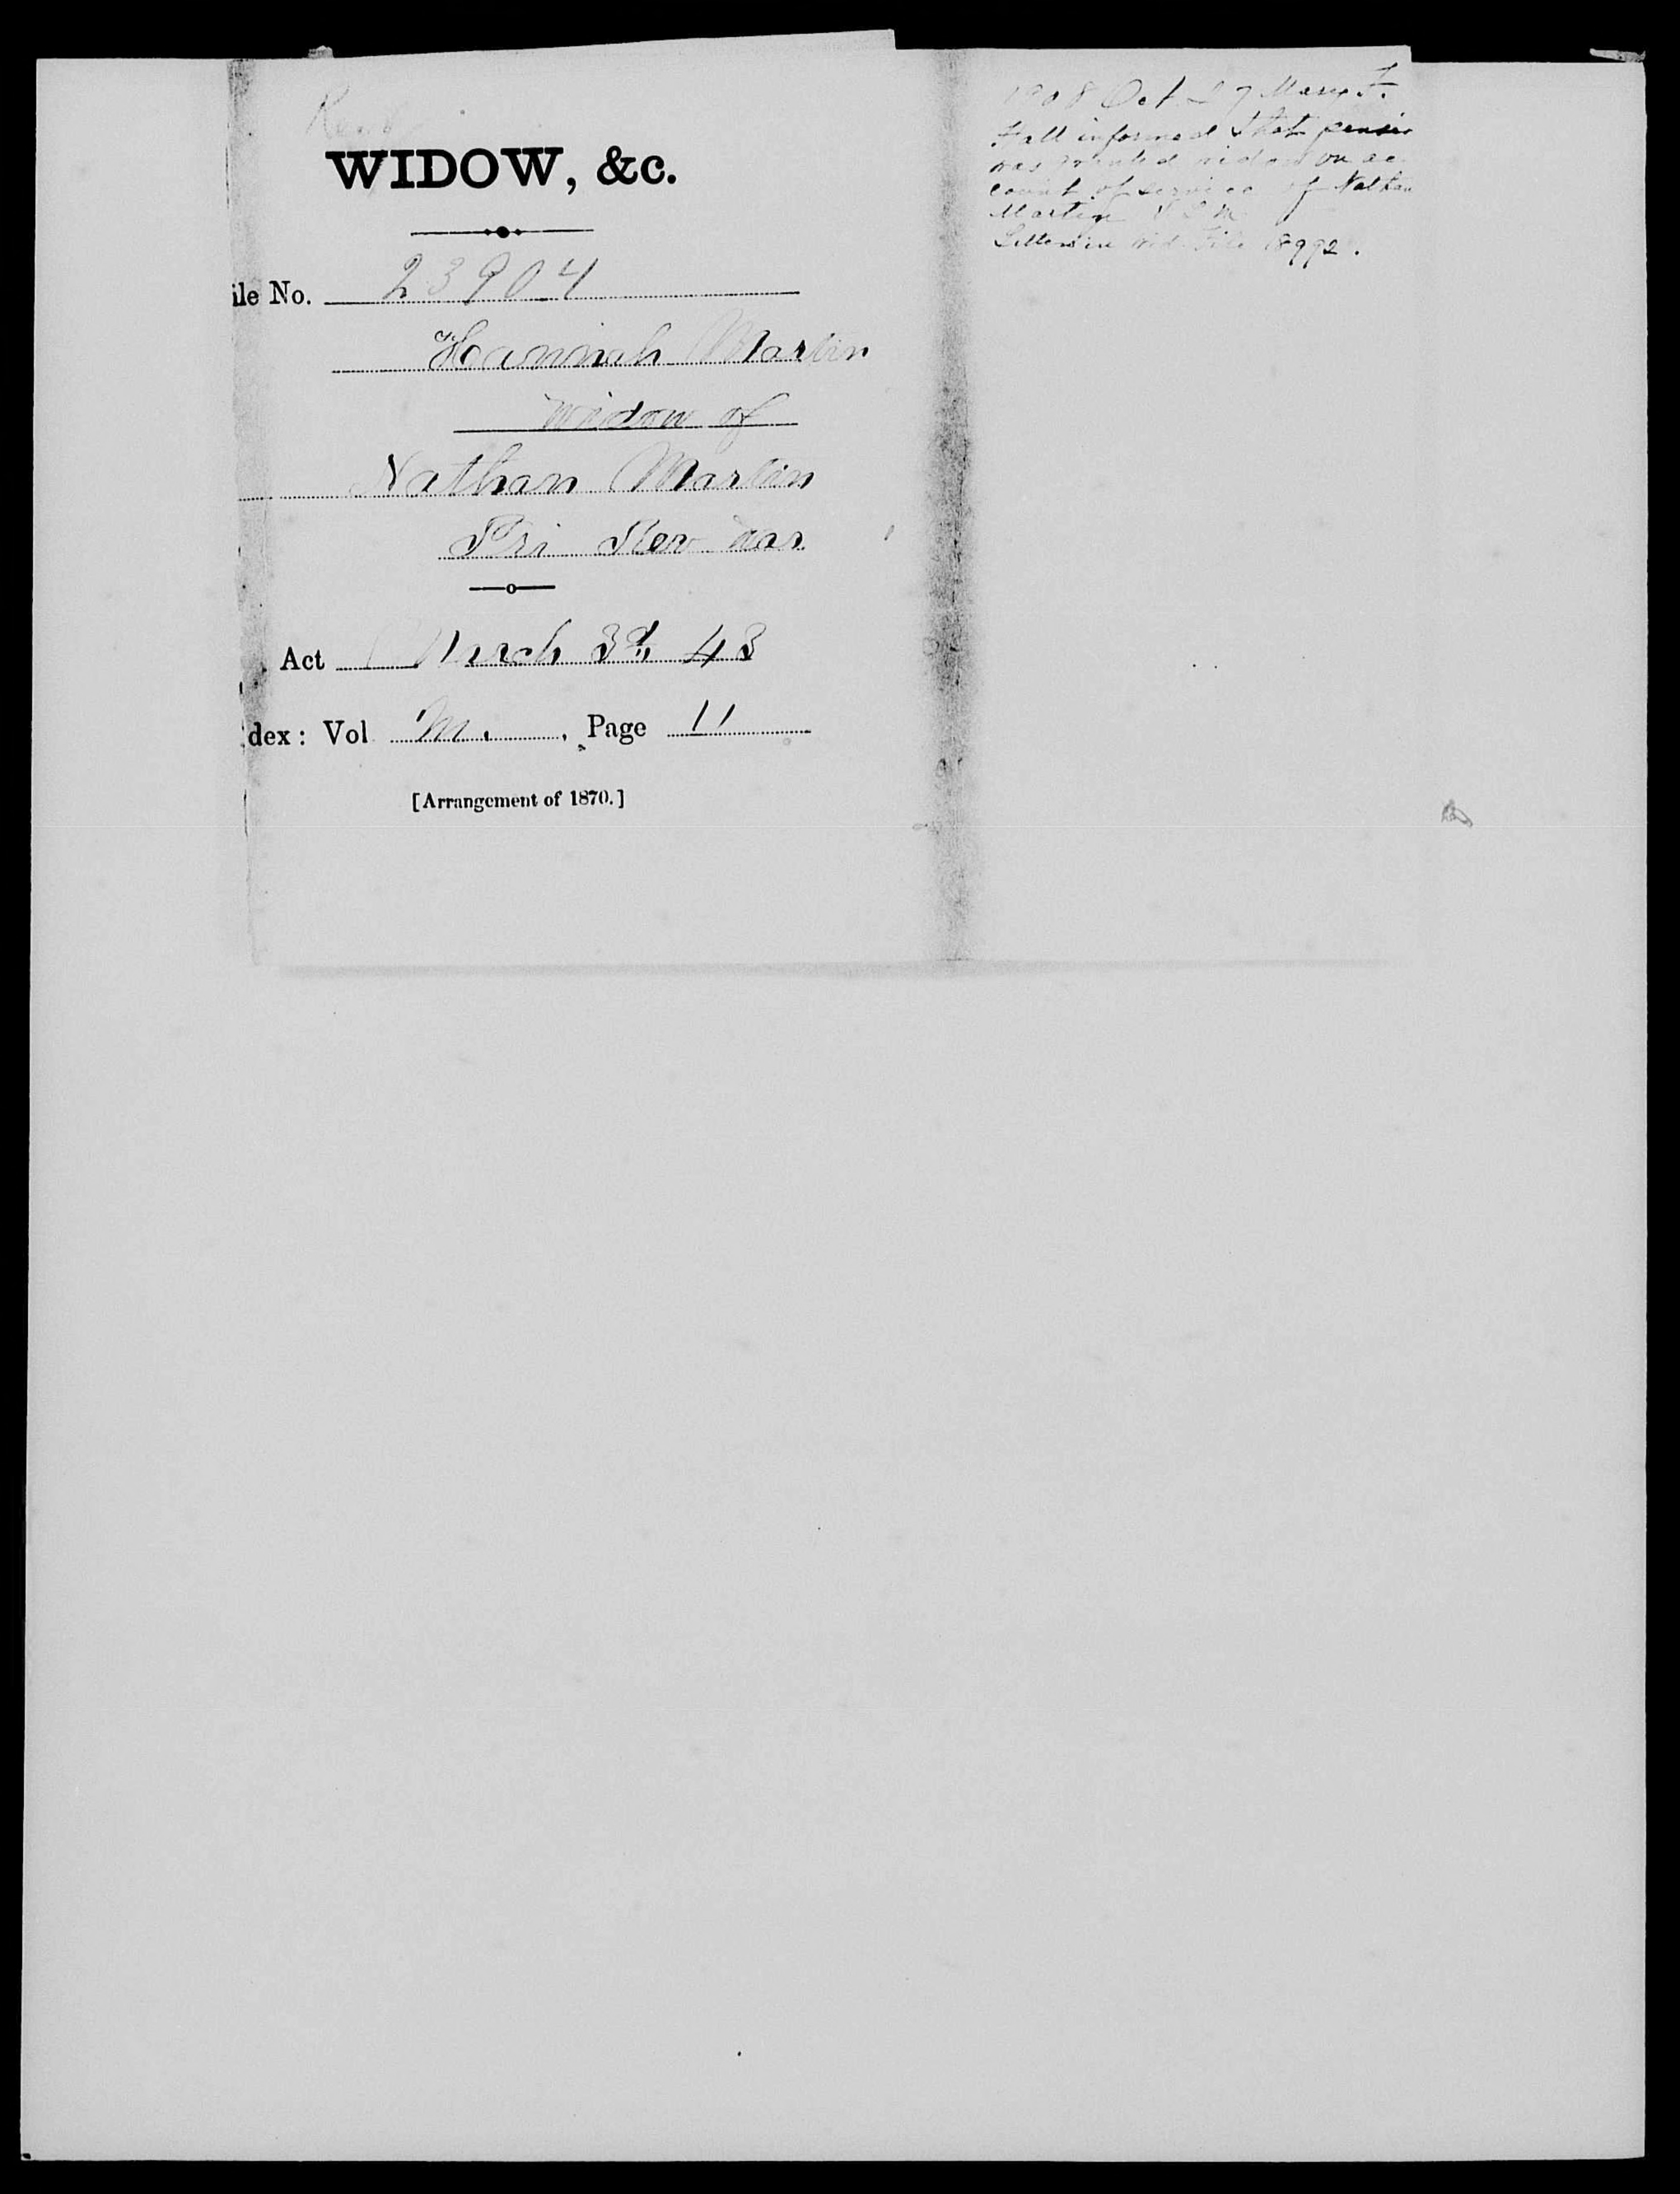[printed form with handwritten answers]
[illegible]
WIDOW, &c.
File No. 23904
Hannah Martin
Widow of
Nathan Martin
Pri Rev War.
Act [illegible] March 3d, 43
Index: Vol M., Page 11
[Arrangement of 1870.]

1908 Oct 27 [illegible]
Hall informed that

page: 22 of 30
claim: widow's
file: W. 23,904, for Nathan Martin, New Hampshire